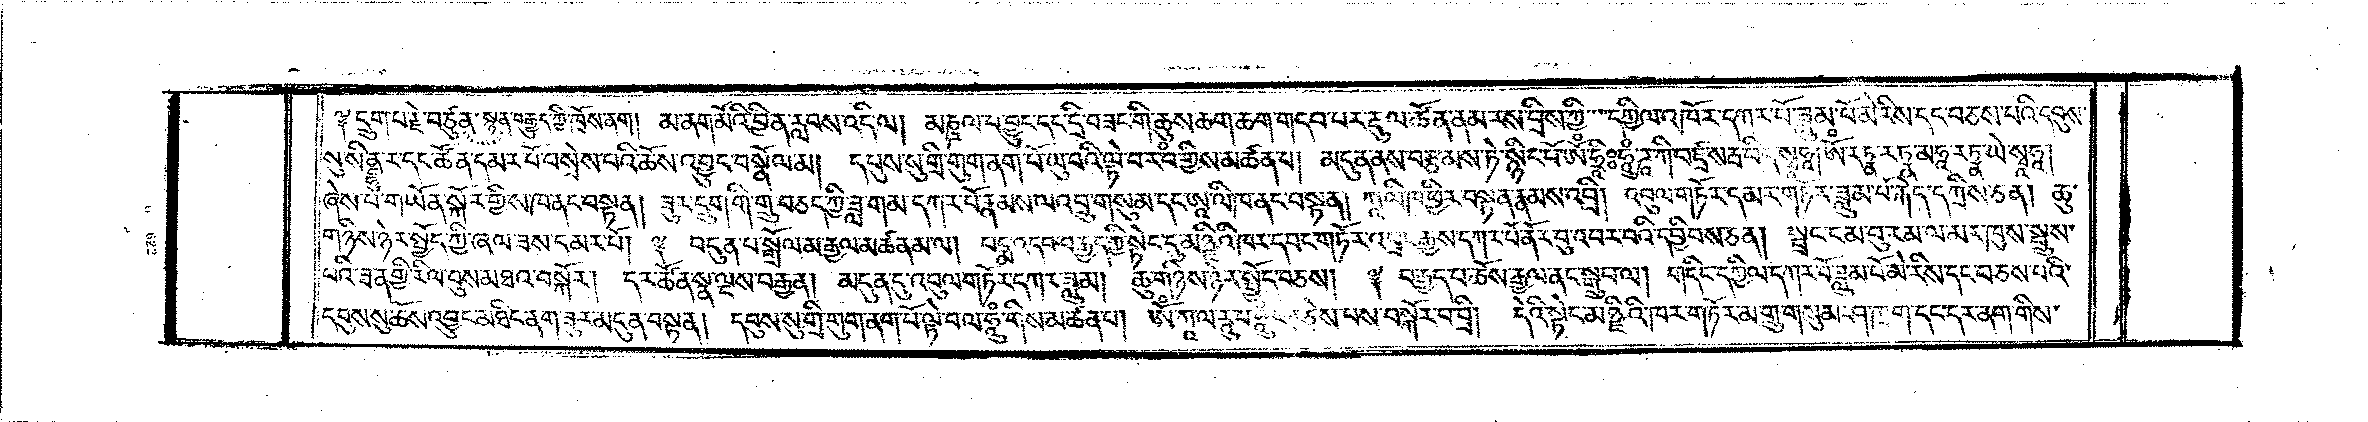༈ དྲུག་པ་རྗེ་བཙུན་སྙན་བརྒྱུད་ཀྱི་ཁྲོས་ནག །  མ་ནག་མོའི་བྱིན་རླབས་འདི་ལ། མཎྜལ་པ་བྱུང་དང་དྲི་བཟང་གི་ཆུས་ཆག་ཆག་གདབ་པར་རྡུལ་ཚོན་ནམ་རས་བྲིས་ཀྱི་དཀྱིལ་འཁོར་དཀར་པོ་ཟླུམ་པོ་མེ་རིས་དང་བཅས་པའི་དབུས་
སུ་སིནྦྷུ་ར་དང་ཚོན་དམར་པོ་བསྲེས་པའི་ཆོས་འབྱུང་བསྣོལ་མ། དབུས་སུ་གྲི་གུག་ནག་པོ་ཡུ་བའི་ལྟེ་བར་བཾ་གྱིས་མཚན་པ། མདུན་ནས་བརྩམས་ཏེ་སྙིང་པོ་ཨོཾ་ཧྲཱིཿཧཱུཾ་ཌཱ་ཀི་བཛྲ་སརྦ་བིད་སྭཱཧཱ། ཨོཾ་རཏྣ་རཏྣ་མཧཱ་རཏྣ་ཡེ་སྭཱཧཱ།
ཞེས་པ་གཡོན་སྐོར་གྱིས་ཁ་ནང་བསྟན། ཟུར་དྲུག་གི་གྲུ་བཅད་ཀྱི་ཟླ་གམ་དཀར་པོ་རྣམས་ལ་འབྲུ་གསུམ་དང་ཨཱ་ལི་ཁ་ནང་བསྟན། ཀཱ་ལུའི་ཁ་ཕྱིར་བསྟན་རྣམས་འབྲི། འབུལ་གཏོར་དམར་གཏོར་ཟླུམ་པོ་རྐེད་དཀྲིས་ཅན། ཆུ་
གཉིས་ཉེར་སྤྱོད་ཀྱི་ཞལ་ཟས་དམར་པོ། ༈ བདུན་པ་སྒྲོལ་མ་རྒྱལ་མཚན་མ་ལ། པདམ་འདབ་བརྒྱད་ཀྱི་སྟེང་དུ་མཉྫུའི་ཁར་དབང་གཏོར་འབྲང་རྒྱས་དཀར་པོ་ནོར་བུ་འབར་བའི་དབྱིབས་ཅན། སྦྲང་ངམ་བུ་རམ་ལ་མར་ཁུས་སྤྲུས་
པའི་ཟན་གྱི་རིལ་བུས་མཐའ་བསྐོར། དར་ཚོན་སྣ་ལྔས་བརྒྱན། མདུན་དུ་འབུལ་གཏོར་དཀར་ཟླུམ། ཆུ་གཉིས་ཉེར་སྤྱོད་བཅས། ༈ བརྒྱད་པ་ཆོས་རྒྱལ་ནང་སྒྲུབ་ལ། གདིང་དཀྱིལ་དཀར་པོ་ཟླུམ་པོ་མེ་རིས་དང་བཅས་པའི་
དབུས་སུ་ཆོས་འབྱུང་མཐིང་ནག་ཟུར་མདུན་བསྟན། དབུས་སུ་གྲི་གུག་ནག་པོ་ལྟེ་བ་ལ་ཧཱུཾ་གིས་མཚན་པ། ཨོཾ་ཀཱ་ལ་རཱུ་པ་ཧཱུཾ་ཕཊ་ཅེས་པས་བསྐོར་བ་བྲི། དེའི་སྟེང་མཉྫིའི་ཁར་གཏོར་མ་གྲུ་གསུམ་ཤ་ཁྲག་དང་དར་ནག་གིས་